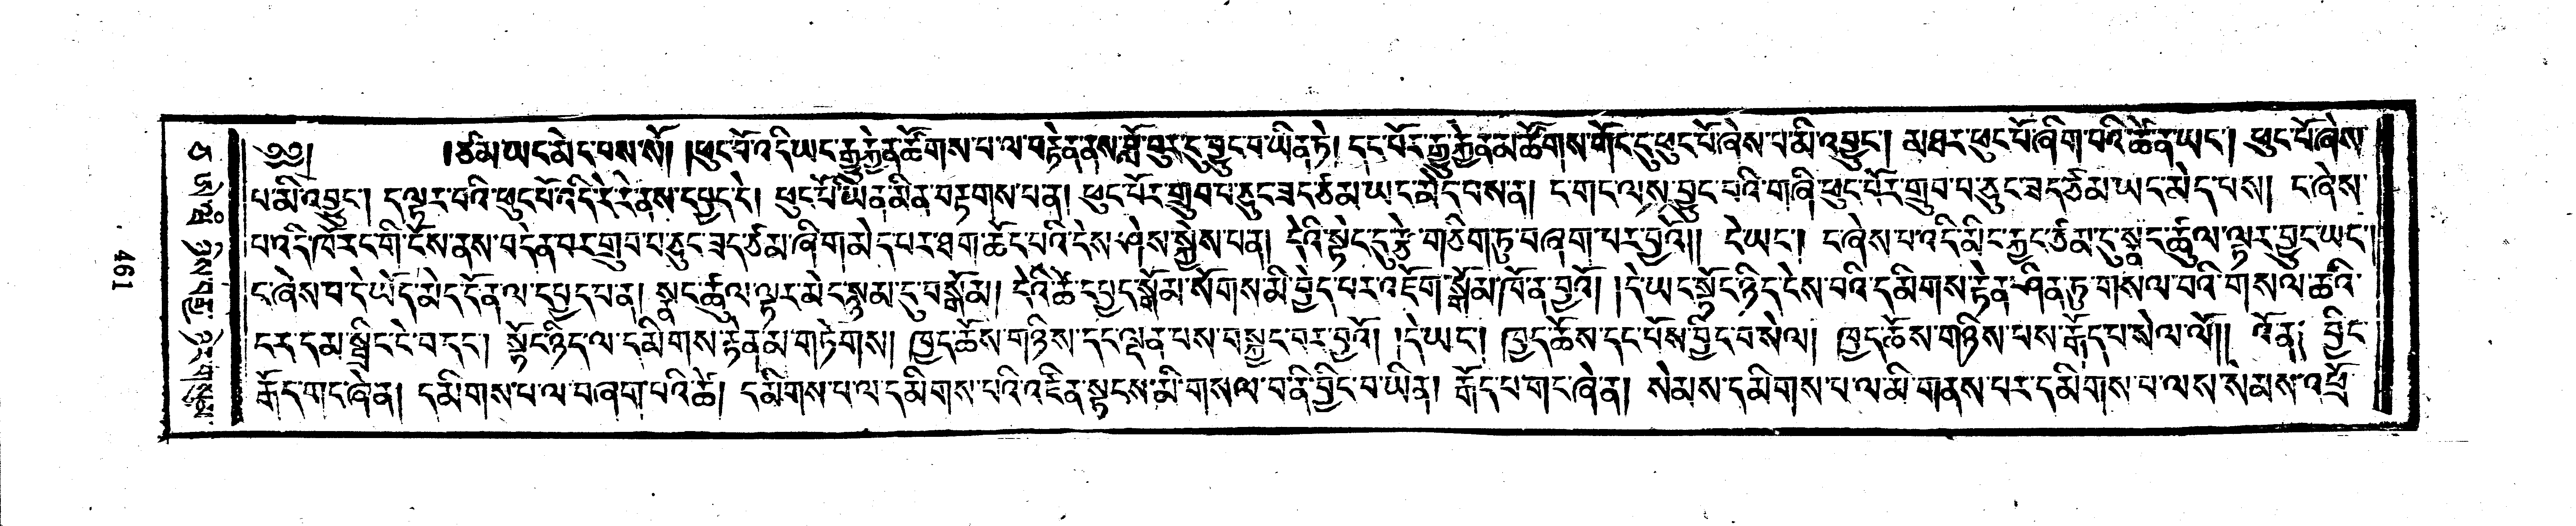༄༅། །ཙམ་ཡང་མེད་པས་སོ། །ཕུང་པོ་འདི་ཡང་རྒྱུ་རྐྱེན་ཚོགས་པ་ལ་བརྟེན་ནས་བློ་བུར་དུ་བྱུང་བ་ཡིན་ཏེ། དང་པོར་རྒྱུ་རྐྱེན་མ་ཚོགས་གོང་དུ་ཕུང་པོ་ཞེས་པ་མི་འབྱུང་། མཐར་ཕུང་པོ་ཞིག་པའི་ཚེ་ན་ཡང་། ཕུང་པོ་ཞེས་
པ་མི་འབྱུང་། ད་ལྟར་བའི་ཕུང་པོ་འདི་རེ་རེ་ནས་དཔྱད་དེ། ཕུང་པོ་ཡིན་མིན་བརྟགས་པ་ན། ཕུང་པོར་གྲུབ་པ་ཅུང་ཟད་ཙམ་ཡང་མེད་པས་ན། ང་གང་ལས་བྱུང་བའི་གཞི་ཕུང་པོར་གྲུབ་པ་ཅུང་ཟད་ཙམ་ཡང་མེད་པས། ང་ཞེས་
པ་འདི་ཁོ་རང་གི་ངེས་ནས་བདེན་པར་གྲུབ་པ་ཅུང་ཟད་ཙམ་ཞིག་མེད་པར་ཐག་ཆོད་པའི་ངེས་ཤེས་སྐྱེས་པ་ན། དེའི་སྟེང་དུ་རྩེ་གཅིག་ཏུ་བཞག་པར་བྱའོ། །དེ་ཡང་། ང་ཞེས་པ་འདི་མིང་རྐྱང་ཙམ་དུ་སྣང་ཚུལ་ལྟར་བྱུང་ཡང་།
ང་ཞེས་པ་དེ་ཡོད་མེད་དོན་ལ་དཔྱད་པ་ན། སྣང་ཚུལ་ལྟར་མེད་སྙམ་དུ་བསྒོམ། དེའི་ཚེ་དཔྱད་སྒོམ་སོགས་མི་བྱེད་པར་འཇོག་སྒོམ་ཁོ་ན་བྱའོ། །དེ་ཡང་སྟོང་ཉིད་ངེས་པའི་དམིགས་རྟེན་ཤིན་ཏུ་གསལ་བའི་གསལ་ཆའི་
ངར་དམ་སྤྲིང་ངེ་བ་དང་། སྟོང་ཉིད་ལ་དམིགས་རྟེན་མ་གཏོགས། ཁྱད་ཆོས་གཉིས་དང་ལྡན་པས་བསྐྱང་བར་བྱའོ། །དེ་ཡང་། ཁྱད་ཆོས་དང་པོས་བྱིང་བ་སེལ། ཁྱད་ཆོས་གཉིས་པས་རྒོད་པ་སེལ་ལོ། །འོ་ན། བྱིང་
རྒོད་གང་ཞེ་ན། དམིགས་པ་ལ་བཞག་པའི་ཚེ། དམིགས་པ་ལ་དམིགས་པའི་འཛིན་སྟངས་མི་གསལ་བ་ནི་བྱིང་བ་ཡིན། རྒོད་པ་གང་ཞེ་ན། སེམས་དམིགས་པ་ལ་མི་གནས་པར་དམིགས་པ་ལས་སེམས་འཕྲོ་